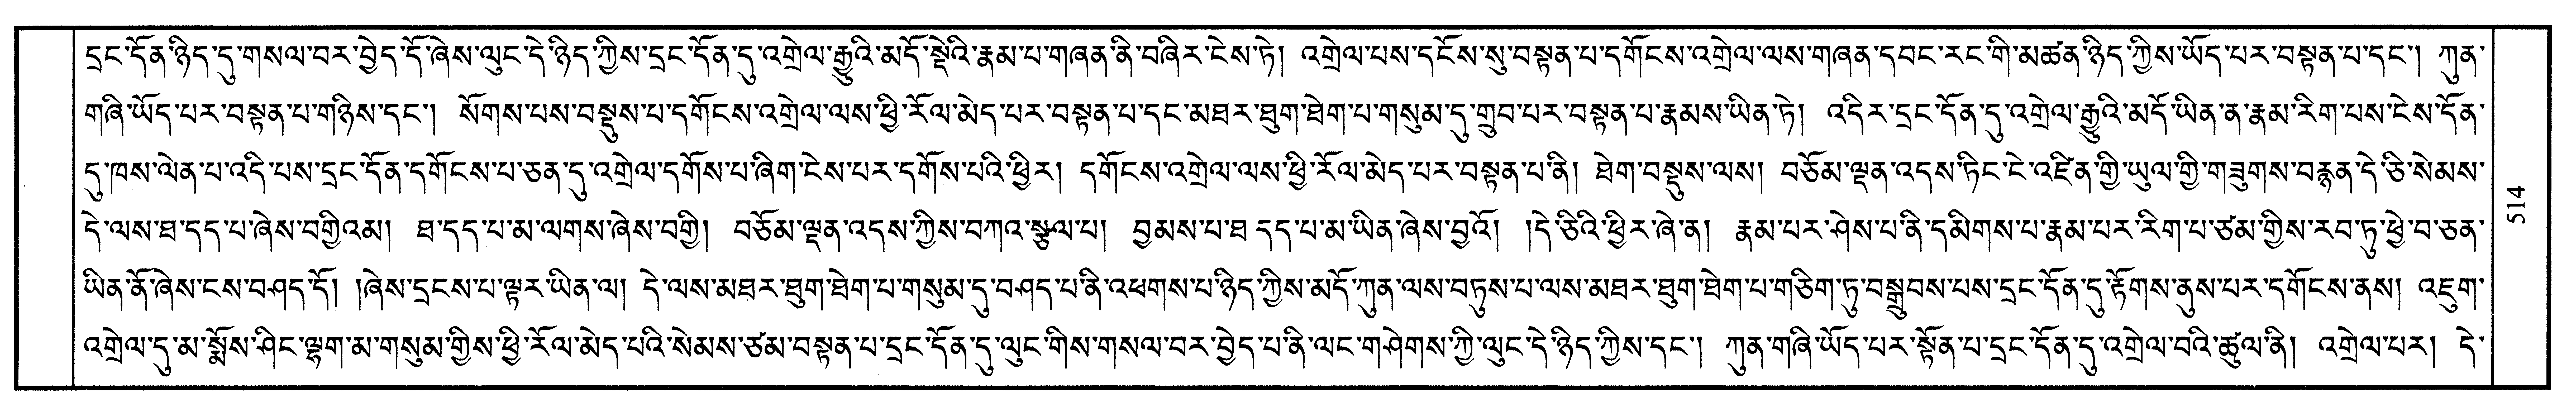དྲང་དོན་ཉིད་དུ་གསལ་བར་བྱེད་དོ་ཞེས་ལུང་དེ་ཉིད་ཀྱིས་དྲང་དོན་དུ་འགྲེལ་རྒྱུའི་མདོ་སྡེའི་རྣམ་པ་གཞན་ནི་བཞིར་ངེས་ཏེ། འགྲེལ་པས་དངོས་སུ་བསྟན་པ་དགོངས་འགྲེལ་ལས་གཞན་དབང་རང་གི་མཚན་ཉིད་ཀྱིས་ཡོད་པར་བསྟན་པ་དང་། ཀུན་
གཞི་ཡོད་པར་བསྟན་པ་གཉིས་དང་། སོགས་པས་བསྡུས་པ་དགོངས་འགྲེལ་ལས་ཕྱི་རོལ་མེད་པར་བསྟན་པ་དང་མཐར་ཐུག་ཐེག་པ་གསུམ་དུ་གྲུབ་པར་བསྟན་པ་རྣམས་ཡིན་ཏེ། འདིར་དྲང་དོན་དུ་འགྲེལ་རྒྱུའི་མདོ་ཡིན་ན་རྣམ་རིག་པས་ངེས་དོན་
དུ་ཁས་ལེན་པ་འདི་པས་དྲང་དོན་དགོངས་པ་ཅན་དུ་འགྲེལ་དགོས་པ་ཞིག་ངེས་པར་དགོས་པའི་ཕྱིར། དགོངས་འགྲེལ་ལས་ཕྱི་རོལ་མེད་པར་བསྟན་པ་ནི། ཐེག་བསྡུས་ལས། བཅོམ་ལྡན་འདས་ཏིང་ངེ་འཛིན་གྱི་ཡུལ་གྱི་གཟུགས་བརྙན་དེ་ཅི་སེམས་
དེ་ལས་ཐ་དད་པ་ཞེས་བགྱིའམ། ཐ་དད་པ་མ་ལགས་ཞེས་བགྱི་བཅོམ་ལྡན་འདས་ཀྱིས་བཀའ་སྩལ་པ། བྱམས་པ་ཐ་དད་པ་མ་ཡིན་ཞེས་བྱའོ། །དེ་ཅིའི་ཕྱིར་ཞེ་ན། རྣམ་པར་ཤེས་པ་ནི་དམིགས་པ་རྣམ་པར་རིག་པ་ཙམ་གྱིས་རབ་ཏུ་ཕྱེ་བ་ཅན་
ཡིན་ནོ་ཞེས་ངས་བཤད་དོ། །ཞེས་དྲངས་པ་ལྟར་ཡིན་ལ། དེ་ལས་མཐར་ཐུག་ཐེག་པ་གསུམ་དུ་བཤད་པ་ནི་འཕགས་པ་ཉིད་ཀྱིས་མདོ་ཀུན་ལས་བཏུས་པ་ལས་མཐར་ཐུག་ཐེག་པ་གཅིག་ཏུ་བསྒྲུབས་པས་དྲང་དོན་དུ་རྟོགས་ནུས་པར་དགོངས་ནས། འཇུག་
འགྲེལ་དུ་མ་སྨོས་ཤིང་ལྷག་མ་གསུམ་གྱིས་ཕྱི་རོལ་མེད་པའི་སེམས་ཙམ་བསྟན་པ་དྲང་དོན་དུ་ལུང་གིས་གསལ་བར་བྱེད་པ་ནི་ལང་གཤེགས་ཀྱི་ལུང་དེ་ཉིད་ཀྱིས་དང་། ཀུན་གཞི་ཡོད་པར་སྟོན་པ་དྲང་དོན་དུ་འགྲེལ་བའི་ཚུལ་ནི། འགྲེལ་པར། དེ་